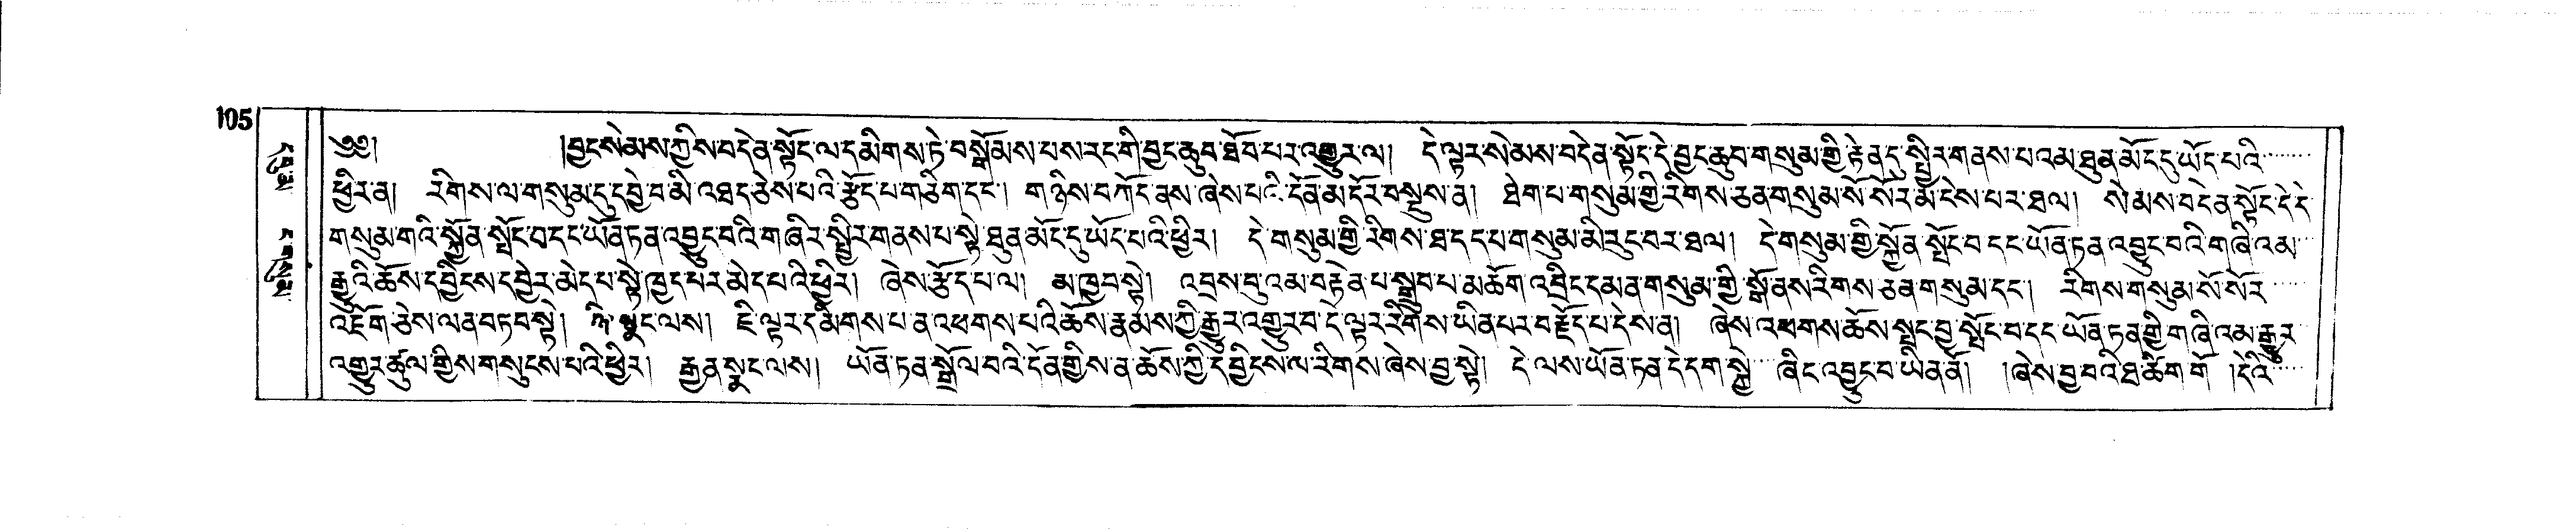༄༅། །བྱང་སེམས་ཀྱིས་བདེན་སྟོང་ལ་དམིགས་ཏེ་བསྒོམས་པས་རང་གི་བྱང་ཆུབ་ཐོབ་པར་འགྱུར་ལ། དེ་ལྟར་སེམས་བདེན་སྟོང་དེ་བྱང་ཆུབ་གསུམ་གྱི་རྟེན་དུ་སྤྱིར་གནས་པའམ་ཐུན་མོང་དུ་ཡོད་པའི་
ཕྱིར་ན། རིགས་ལ་གསུམ་དུ་དབྱེ་བ་མི་འཐད་ཅེས་པའི་རྩོད་པ་གཅིག་དང་། གཉིས་བཀོད་ནས་ཞེས་པའི་དོན་མདོར་བསྡུས་ན། ཐེག་པ་གསུམ་གྱི་རིགས་ཅན་གསུམ་སོ་སོར་མ་ངེས་པར་ཐལ། སེམས་བདེན་སྟོང་དེ་དེ་
གསུམ་གའི་སྐྱོན་སྤོང་བ་དང་ཡོན་ཏན་འབྱུང་བའི་གཞིར་སྤྱིར་གནས་པ་སྟེ་ཐུན་མོང་དུ་ཡོད་པའི་ཕྱིར། དེ་གསུམ་གྱི་རིགས་ཐ་དད་པ་གསུམ་མི་རུང་བར་ཐལ། དེ་གསུམ་གྱི་སྐྱོན་སྤོང་བ་དང་ཡོན་ཏན་འབྱུང་བའི་གཞི་འམ་
རྒྱུའི་ཆོས་དབྱིངས་དབྱེར་མེད་པ་སྟེ་ཁྱད་པར་མེད་པའི་ཕྱིར། ཞེས་རྩོད་པ་ལ། མ་ཁྱབ་སྟེ། འབྲས་བུ་འམ་བརྟེན་པ་སྒྲུབ་པ་མཆོག་འབྲིང་དམན་གསུམ་གྱི་སྒོ་ནས་རིགས་ཅན་གསུམ་དང་། རིགས་གསུམ་སོ་སོར་
འཇོག་ཅེས་ལན་བཏབ་སྟེ། ཉི་སྣང་ལས། ཇི་ལྟར་དམིགས་པ་ན་འཕགས་པའི་ཆོས་རྣམས་ཀྱི་རྒྱུར་འགྱུར་བ་དེ་ལྟར་རིགས་ཡིན་པར་བརྗོད་པ་དེས་ན། ཞེས་འཕགས་ཆོས་སྤང་བྱ་སྤོང་བ་དང་ཡོན་ཏན་གྱི་གཞི་འམ་རྒྱུར་
འགྱུར་ཚུལ་གྱིས་གསུངས་པའི་ཕྱིར། རྒྱན་སྣང་ལས། ཡོན་ཏན་སྒྲོལ་བའི་དོན་གྱིས་ན་ཆོས་ཀྱི་དབྱིངས་ལ་རིགས་ཞེས་བྱ་སྟེ། དེ་ལས་ཡོན་ཏན་དེ་དག་སྐྱེ་ཞིང་འབྱུང་བ་ཡིན་ནོ། །ཞེས་བྱ་བའི་ཐ་ཚིག་གོ །དེའི་